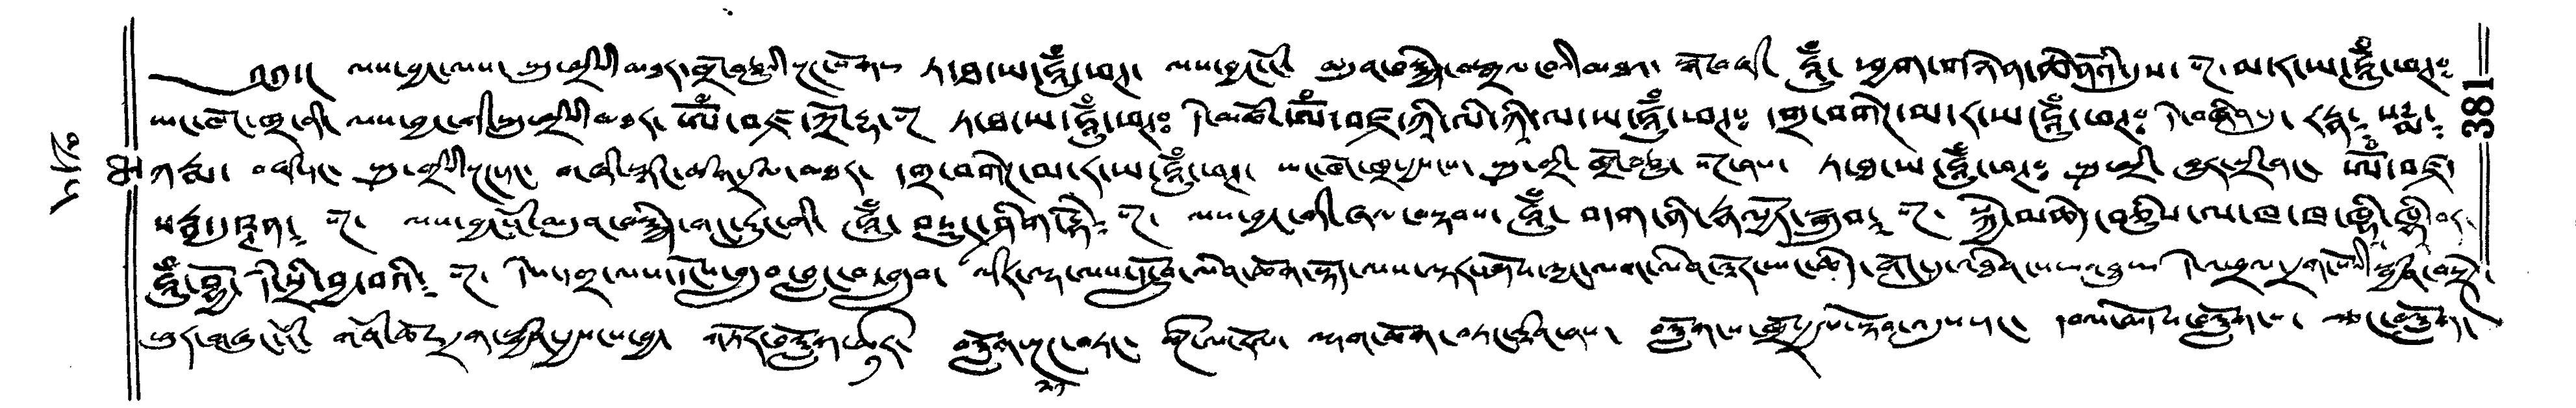ལས་བྱང་ལས། སྤུ་གྲིའི་མཐར་འཁོར་བཅུའི་སྔགས་སོགས། ཏ་ཐ་ཡ་ཧཱུྃ་ཕཊཿ ལས་བྱང་ངམ། མདུན་བསྐྱེད་བསྒྲལ་བའི་མཐར། སྒོ་བཞི། ཧཱུྃ༔ ཕྱག་གཉེན་ཆེན་མོའི་དུས༴ སོགས། མ་ར་ཡ་ཧཱུྃ་ཕཊཿ 
ཡང་ ( ཁོང་ཁྲ་ ?) ནི། ལས་བྱང་གི་སྤུ་གྲིའི་མཐར། ཨོཾ་བཛྲ་ཀྲོ་དྷ༴ སོགས། ཏ་ཐ་ཡ་ཧཱུྃ་ཕཊཿ དེ་མཚམས། ཨོཾ་བཛྲ་ཀཱི་ལི་ཀཱི་ལ་ཡ་ཧཱུྃ་ཕཊཿ དགྲ་བགེགས་མ་ར་ཡ་ཧཱུྃ་ཕཊཿ དེ་བཞིན་དུ། རཏྣ། པདྨ། 
ཀརྨ། བཞི་དང་། སྤུ་གྲིའི་སྔགས་དང་། གཞི་སྙིང་ཆིག་དྲིལ་མཐར། དགྲ་བགེགས་མ་ར་ཡ་ཧཱུྃ་ཕཊཿ ཡང་ ( ཁོང་ཁྲ་ ?) རྒྱས་པ། སྤུ་གྲི། ཁྲོ་བཅུ། སོགས་ནས། ཏ་ཐ་ཡ་ཧཱུྃ་ཕཊཿ སྤུ་གྲི། བྱུར་སྲི་ནང་། ཨོཾ་བཛྲ་
སརྦ་དུཥྚན༴ སོགས། ལས་བྱང་ངམ་མདུན་བསྐྱེད་གང་རུང་གི ཧཱུྃ༔ བརྡུང་ཤིག་རྡོ་རྗེ༴ སོགས། ལས་བྱང་གི་ཞལ་བསྟབ། ཧཱུྃ༔ བདག་ནི་རྣལ་འབྱོར་སྒྲུབ༴ སོགས། སྐྱེ་མཆེད་བཅུ་གཉིས་ལ་ཁ་ཁ་ཁཱ་ཧི་ཁཱ་ཧིཿ བར། 
ཧཱུྃ་བྷྱོཿ དམ་སྲི་བྱ་བའི༴ སོགས། དེས་དགྲ་ལས་དངོས་གྲུབ་བླང་བ་གྲུབ། འདིར་ལྷ་ལས་དངོས་གྲུབ་ལེན་ཆོག་སྟོད་ལས་ལྟར་དགོས་ཀྱང་ལག་ལེན་ཟོར་ཡང་ཆེད་གོང་དུ་འཐེན་པས་འཐུས། དེ་འཕྲལ་དྲག་པོའི་སྦྱིན་སྲེག་
ཕུར་གཞུང་ངམ། གནམ་ཆོས་དྲག་སྦྱིན་རྒྱས་པ་བྱ།གཏོར་བཟློག་ཚར་གཅིག བཟློག་སྔགས་ཉེར་གཅིག་བཏང་། ཚོགས་ལ་རོལ། ལྷག་ཆོག་བཏང་ཟིན་ནས། བཟློག་པས་ཁྲོ་རྒྱལ་སྟོབས་འདུས་དང་། དབལ་མདོས་བཟློག་པ། རྩང་བཟློག་